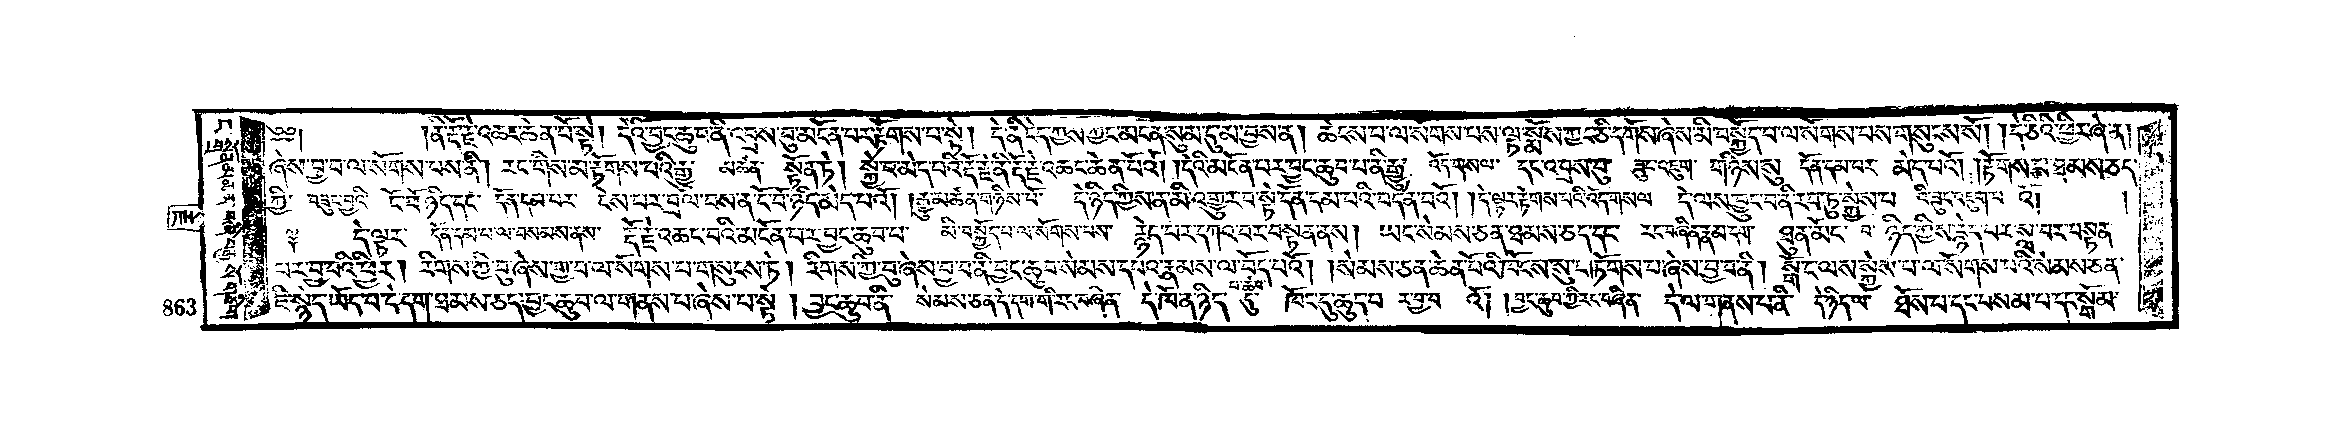༄༅། །ནི་རྡོ་རྗེ་འཆང་ཆེན་པོ་སྟེ། དེའི་བྱང་ཆུབ་ནི་འབྲས་བུ་མངོན་པར་རྟོགས་པ་སྟེ། དེ་ནི་ངེད་ཀྱིས་ཀྱང་མངོན་སུམ་དུ་མ་བྱས་ན། ཚངས་པ་ལ་སོགས་པས་ལྟ་སྨོས་ཀྱང་ཅི་དགོས་ཞེས་མི་བསྐྱོད་པ་ལ་སོགས་པས་གསུངས་སོ། །དེ་ཅིའི་ཕྱིར་ཞེ་ན།
ཞེས་བྱ་བ་ལ་སོགས་པས་ནི། རང་གིས་མ་རྟོགས་པའི་རྒྱུ་མཚན་སྟོན་ཏེ། སྐྱེ་བ་མེད་པའི་རྡོ་རྗེ་ནི་རྡོ་རྗེ་འཆང་ཆེན་པོའོ། །དེའི་མངོན་པར་བྱང་ཆུབ་པ་ནི་རྒྱུད་འོད་གསལ་དང་འབྲས་བུ་ཟུང་འཇུག་གཉིས་སུ་དོན་དམ་པར་མེད་པའོ། །རྟོགས་པ་ཐམས་ཅད་
ཀྱི་བཟུང་བྱའི་ངོ་བོ་ཉིད་དང་དོན་དམ་པར་ངས་པར་བྲལ་བས་ན་ངོ་བོ་ཉིད་མེད་པའོ། །རྒྱུ་མཚན་གཉིས་པོ་དེ་ཉིད་ཀྱིས་ན་མི་འགྱུར་བ་སྟེ་དོན་དམ་པའི་བདེན་པའོ། ། དེ་ལྟར་རྟོགས་པའི་འོད་གསལ་དེ་ལས་བྱུང་བ་ནི་རབ་ཏུ་སྐྱེས་པའི་ཟུང་འཇུག་པའོ། །
༈ དེ་ལྟར་དོན་དམ་པ་ལ་བསམས་ནས་རྡོ་རྗེ་འཆང་བའི་མངོན་པར་བྱང་ཆུབ་པ་མི་བསྐྱོད་པ་ལ་སོགས་པས་རྙེད་པར་དཀའ་བར་བསྟན་ནས། ཡང་སེམས་ཅན་ཐམས་ཅད་དང་རང་བཞིན་རྣམ་དག་ཐུན་མོང་བ་ཉིད་ཀྱིས་རྙེད་པར་སླ་བར་བསྟན་
པར་བྱ་བའི་ཕྱིར། རིགས་ཀྱི་བུ་ཞེས་བྱ་བ་ལ་སོགས་པ་གསུངས་ཏེ། རིགས་ཀྱི་བུ་ཞེས་བྱ་བ་ནི་བྱང་ཆུབ་སེམས་དཔའ་རྣམས་ལ་བོད་པའོ། །སེམས་ཅན་ཆེན་པོའི་ཁོངས་སུ་གཏོགས་པ་ཞེས་བྱ་བ་ནི། སྒོ་ང་ལས་སྐྱེས་པ་ལ་སོགས་པའི་སེམས་ཅན་
ཇི་སྙེད་ཡོད་པ་དེ་དག་ཐམས་ཅད་བྱང་ཆུབ་ལ་གནས་པ་ཞེས་པ་སྟེ། བྱང་ཆུབ་ནི་སེམས་ཅན་དེ་དག་གི་རང་བཞིན་དེ་ཁོ་ན་ཉིད་པ་ཚབ་དུ་ཁོང་དུ་ཆུད་པར་བྱ་བའོ། ། བྱང་ཆུབ་ཀྱི་རང་བཞིན་དེ་ལ་གནས་པ་ནི་དེ་ཉིད་ལ་ཐོས་པ་དང་བསམ་པ་དང་སྒོམ་